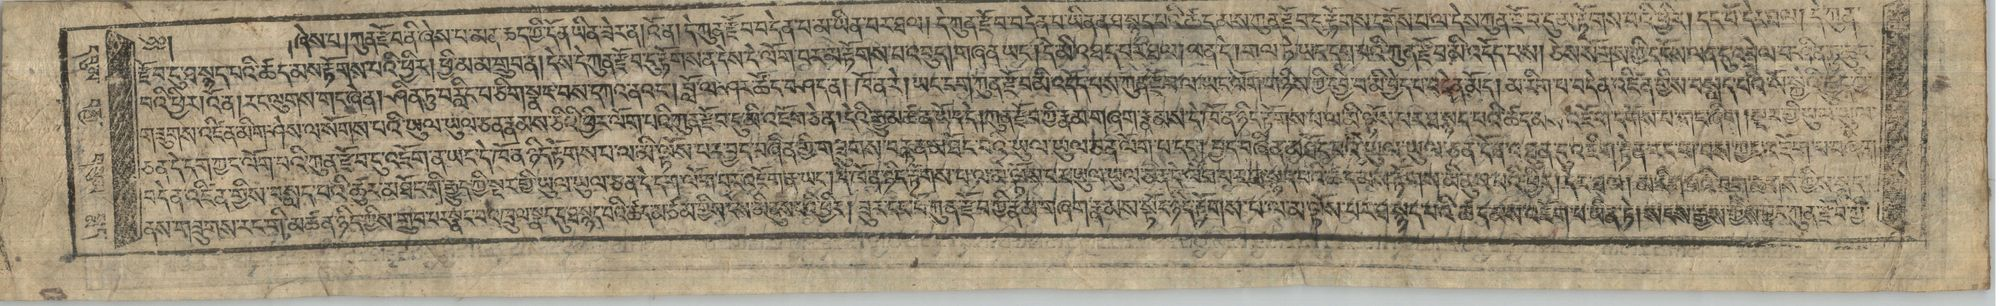༄༅། །ཞེས་པ། ཀུན་རྫོབ་ནི་ཞེས་པ་མན་ཆད་ཀྱི་དོན་ཡིན་ཟེར་ན། འོ་ན། དེ་ཀུན་རྫོབ་བདེན་པ་མ་ཡིན་པར་ཐལ། དེ་ཀུན་རྫོབ་བདེན་པ་ཡིན་ན་ཐ་སྙད་པའི་ཚད་མས་ཀུན་རྫོབ་དུ་རྟོགས་དགོས་པ་ལ་དེས་ཀུན་རྫོབ་དུ་མ་རྟོགས་པའི་ཕྱིར། དང་པོ་དེར་ཐལ། དེ་ཀུན་
རྫོབ་དུ་ཐ་སྙད་པའི་ཚད་མས་རྟོགས་པའི་ཕྱིར། ཕྱི་མ་མ་གྲུབ་ན། དེས་དེ་ཀུན་རྫོབ་དུ་རྟོགས་ན་དེས་དེ་ལོག་པར་མ་རྟོགས་པ་འབུད། གཞན་ཡང་། དེ་མི་འཐད་པར་ཐལ། ལན་དེ། གལ་ཏེ་ཡང་དག་པའི་ཀུན་རྫོབ་མི་འདོད་པས། ཅེས་སོགས་ཀྱི་དངོས་ལན་དུ་འབྲེལ་བ་ཤིན་ཏུ་ཆུང་
བའི་ཕྱིར། འོ་ན། རང་ལུགས་གང་ཞེ་ན། ཤིན་ཏུ་བརླིང་པ་ཅིག་སྣང་བས་དཀའ་ནའང་། བློ་ལ་ཤར་ཚོད་བཤད་ན། ཁོ་ན་རེ། ཡང་དག་ཀུན་རྫོབ་མི་འདོད་པས་ཀུན་རྫོབ་ལ་ཡང་ལོག་གཉིས་ཀྱི་དབྱེ་བ་མི་བྱེད་པ་བདེན་མོད། མ་རིག་པ་བདེན་འཛིན་གྱིས་བསླད་པའི་སོ་སྐྱེའི་རྒྱུད་ཀྱི་
གཟུགས་འཛིན་མིག་ཤེས་ལ་སོགས་པའི་ཡུལ་ཡུལ་ཅན་རྣམས་ཅིའི་ཕྱིར་ལོག་པའི་ཀུན་རྫོབ་ཏུ་མི་འཇོག་ཅེ་ན། དེའི་རྒྱུ་མཚན་ཡོད་དེ། ཀུན་རྫོབ་ཀྱི་རྣམ་གཞག་རྣམས་དེ་ཁོ་ན་ཉིད་རྟོགས་པ་ལ་མི་ལྟོས་པར་ཐ་སྙད་པའི་ཚད་མས་འཇོག་དགོས་པ་གང་ཞིག །སྔར་གྱི་ཡུལ་ཡུལ་
ཅན་དེ་དག་ཀྱང་ལོག་པའི་ཀུན་རྫོབ་དུ་འཇོག་ན་ཡང་དེ་ཁོ་ན་ཉིད་རྟོགས་པ་ལ་མི་ལྟོས་པར་བྱད་བཞིན་གྱི་གཟུགས་བརྙན་མཐོང་བའི་ཡུལ་ཡུལ་ཅན་ལོག་པ་དང་། བྱད་བཞིན་མཐོང་བའི་ཡུལ་ཡུལ་ཅན་དོན་འཐུནྡུ་འཇིག་རྟེན་རང་ག་བས་ཀྱང་འཇོག་པ་བཞིན།
བདེན་འཛིན་གྱིས་བསླད་པའི་ཚུར་མཐོང་གི་རྒྱུད་ཀྱི་སྔར་གྱི་ཡུལ་ཡུལ་ཅན་དེ་དག་ལོག་པར་འཇོག་ན་ཡང་། དེ་ཁོ་ན་ཉིད་རྟོགས་པ་ལ་མ་ལྟོས་པར་ཡུལ་ཡུལ་ཅན་དེ་ལོག་པར་ཐ་སྙད་པའི་ཚད་མས་རྟོགས་མི་ནུས་པའི་ཕྱིར། དེར་ཐལ། མ་རིག་པའི་བག་ཆགས་ཀྱིས་སླད་
ནས་གཟུགས་རང་གི་མཚན་ཉིད་ཀྱིས་གྲུབ་པར་སྣང་བ་འཁྲུལ་སྣང་དུ་ཐ་སྙད་པའི་ཚད་མ་ཙམ་གྱིས་ངེས་མི་ནུས་པའི་ཕྱིར། ཟུར་དང་པོ་ཀུན་རྫོབ་ཀྱི་རྣམ་གཞག་རྣམས་སྟོང་ཉིད་རྟོགས་པ་ལ་མ་ལྟོས་པར་ཐ་སྙད་པའི་ཚད་མས་འཇོག་པ་ཡིན་ཏེ། སངས་རྒྱས་ཀྱིས་ཀྱང་ཀུན་རྫོབ་ཀྱི་